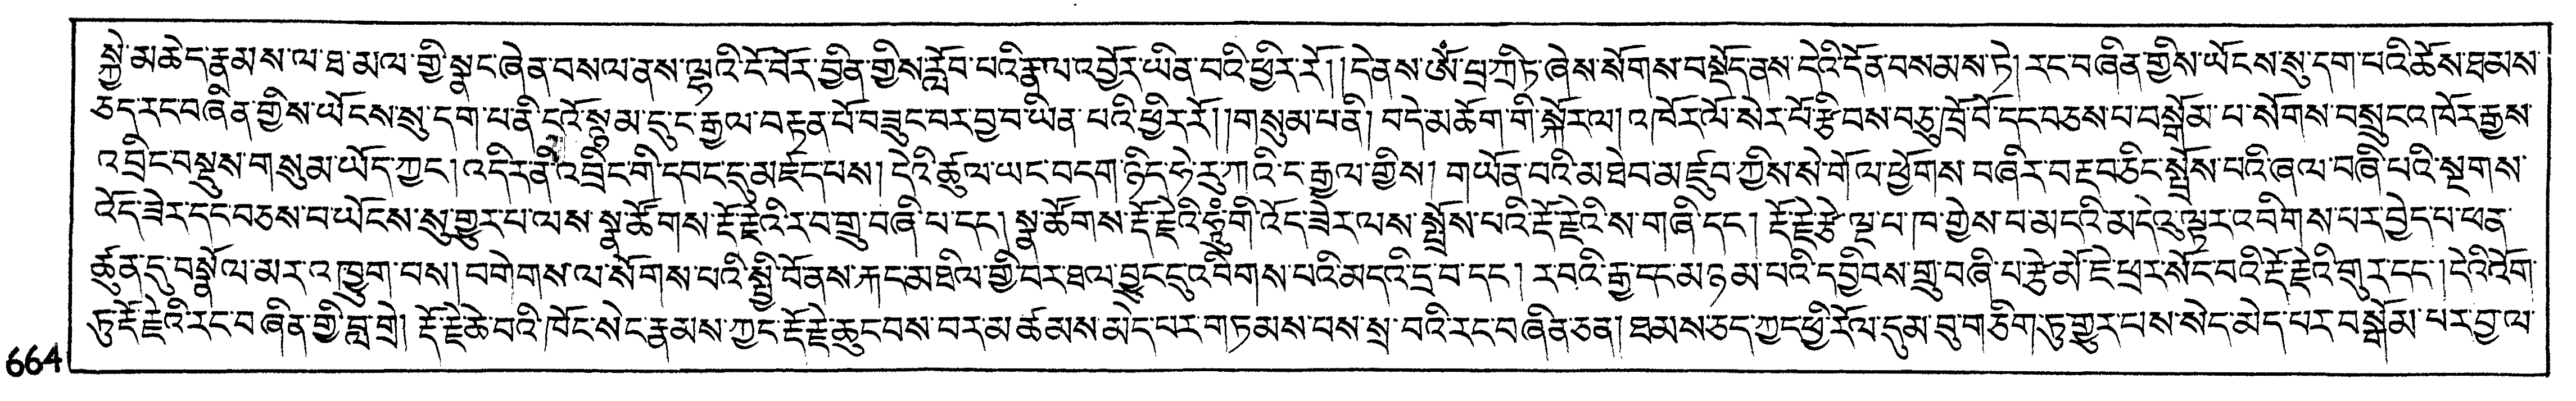སྐྱེ་མཆེད་རྣམས་ལ་ཐ་མལ་གྱི་སྣང་ཞེན་བསལ་ནས་ལྷའི་ངོ་བོར་བྱིན་གྱིས་རློབ་པའི་རྣལ་འབྱོར་ཡིན་པའི་ཕྱིར་རོ། །དེ་ནས་ཨོཾ་པྲ་ཀྲི་ཏ་ཞེས་སོགས་བསྡོད་ནས་དེའི་དོན་བསམས་ཏེ། རང་བཞིན་གྱིས་ཡོངས་སུ་དག་པའི་ཆོས་ཐམས་
ཅད་རང་བཞིན་གྱིས་ཡོངས་སུ་དག་པ་ནི་ངའོ་སྙམ་དུ་ང་རྒྱལ་བརྟན་པོ་བཟུང་བར་བྱ་བ་ཡིན་པའི་ཕྱིར་རོ། །གསུམ་པ་ནི། བདེ་མཆོག་གི་སྐོར་ལ། འཁོར་ལོ་སེར་པོ་རྩིབས་བཅུ་ཁྲོ་བོ་དང་བཅས་པ་བསྒོམ་པ་སོགས་བསྲུང་འཁོར་རྒྱས་
འབྲིང་བསྡུས་གསུམ་ཡོད་ཀྱང་། འདིར་ནི་འབྲིང་གི་དབང་དུ་མཛད་པས། དེའི་ཚུལ་ཡང་བདག་ཉིད་ཧེ་རུ་ཀའི་ང་རྒྱལ་གྱིས། གཡོན་པའི་མཐེབ་མཛུབ་ཀྱིས་སེ་གོ་ལ་ཕྱོགས་བཞིར་བརྡབ་ཅིང་སྤྲོས་པའི་ཞལ་བཞི་པའི་སྔགས་
འོད་ཟེར་དང་བཅས་པ་ཡོངས་སུ་གྱུར་པ་ལས་སྣ་ཚོགས་རྡོ་རྗེའི་ར་བ་གྲུ་བཞི་པ་དང་། སྣ་ཚོགས་རྡོ་རྗེའི་ཧཱུཾ་གི་འོད་ཟེར་ལས་སྤྲོས་པའི་རྡོ་རྗེའི་ས་གཞི་དང་། རྡོ་རྗེ་རྩེ་ལྔ་པ་ཁ་གྱེས་པ་མདའི་མདེའུ་ལྟར་འབིགས་པར་བྱེད་པ་ཕན་
ཚུན་དུ་བསྣོལ་མར་འཁྱུག་པས། བགེགས་ལ་སོགས་པའི་སྤྱི་བོ་ནས་རྐང་མཐིལ་གྱི་བར་ཐལ་བྱུང་དུ་འབིགས་པའི་མདའི་དྲ་བ་དང་། ར་བའི་རྒྱ་དང་མཉམ་པའི་དབྱིབས་གྲུ་བཞི་པ་རྩེ་མོ་ཇེ་ཕྲར་སོང་བའི་རྡོ་རྗེའི་གུར་དང་། དེའི་འོག་
ཏུ་རྡོ་རྗེའི་རང་བཞིན་གྱི་བླ་གྲེ། རྡོ་རྗེ་ཆེ་བའི་ཁོང་སེང་རྣམས་ཀྱང་རྡོ་རྗེ་ཆུང་བས་བར་མཚམས་མེད་པར་གཏམས་པས་སྲ་བའི་རང་བཞིན་ཅན། ཐམས་ཅད་ཀྱང་ཕྱི་རོལ་དུམ་བུ་གཅིག་ཏུ་གྱུར་པས་སེད་མེད་པར་བསྒོམ་པར་བྱ་ལ་